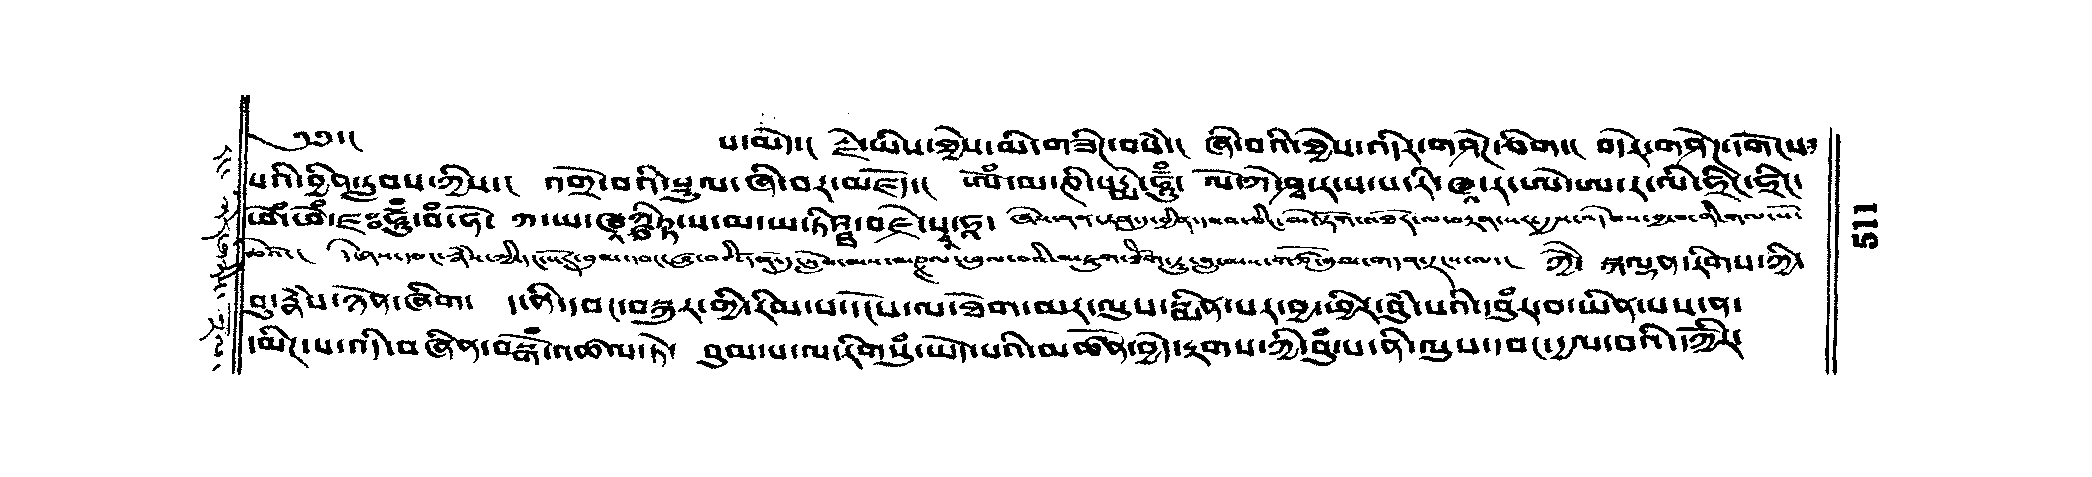པ་མེད། །རྗེ་ཡིས་ཐུགས་རྗེས་མི་གཟིགས་སམ། །ཞི་བའི་ཐུགས་རྗེས་འདིར་གཤེགས་ཤིག བདེ་བཤེགས་དགོངས་
པའི་བྱིན་རླབས་ཀྱིས། །འགྲོ་བའི་སྡུག་བསྔལ་ཞི་བར་མཛོད། །ཨོཾ་མ་ཎི་པདྨེ་ཧཱུྃ།ལོ་ཀེ་ཤྭ་ར་ས་པ་རི་ཝཱ་ར་ཨེ་ཨ་ར་ལི་ཧྲིང་ཧྲིང་
ཕེཾ་ཕེཾ་ཛཿཧཱུྃ་བཾ་ཧོ། ཀ་ཡ་ཝཱཀྐ་ཅིཏྟ་ས་མ་ཡ་ཏིཥྛ་བཛྲེ་སྭཱ་ཧཱ། ཞེས་ནན་ཏན་དུ་བྱིན་དབབ་ཅིང་མེ་ཏོག་འཐོར་ལ་བརྟན་པར་རྒྱས་འདེབས་བྱ་བ་ནི་གལ་པོ་
ཆེའོ། དེ་ནས་དབང་རྣམས་ཀྱི་དང་པོར་བུམ་དབང་ཞུ་བའི་དོན་དུ་སློབ་མའི་མཎྜལ་ཕུལ་བའི་མཇུག་ཐོག་ཏུ་བླ་མས་གཙོ་བུམ་གདན་དྲངས་ལ། ཀྱཻ་སྐལ་ལྡན་རིགས་ཀྱི་
བུ་རྣམས་ཉོན་ཞིག ད་ནི་དབང་བསྐུར་གྱི་རིམ་པ་དངོས་ལ་ཐོག་མར་ལུས་སྨིན་པར་བྱ་ཕྱིར་བུམ་པའི་དབང་བསྐུར་བ་ཡིན་པས་ན་
དམིགས་པ་འདི་བཞིན་བསྒོམ་འཚལ་ཏེ། བུམ་པ་ལ་རིགས་གསུམ་ཡོད་པའི་མཚོན་བྱེད་རྟགས་ཀྱི་བུམ་པ་ནི་ལུས་དབང་རྒྱལ་བའི་དཀྱིལ་འཁོར།